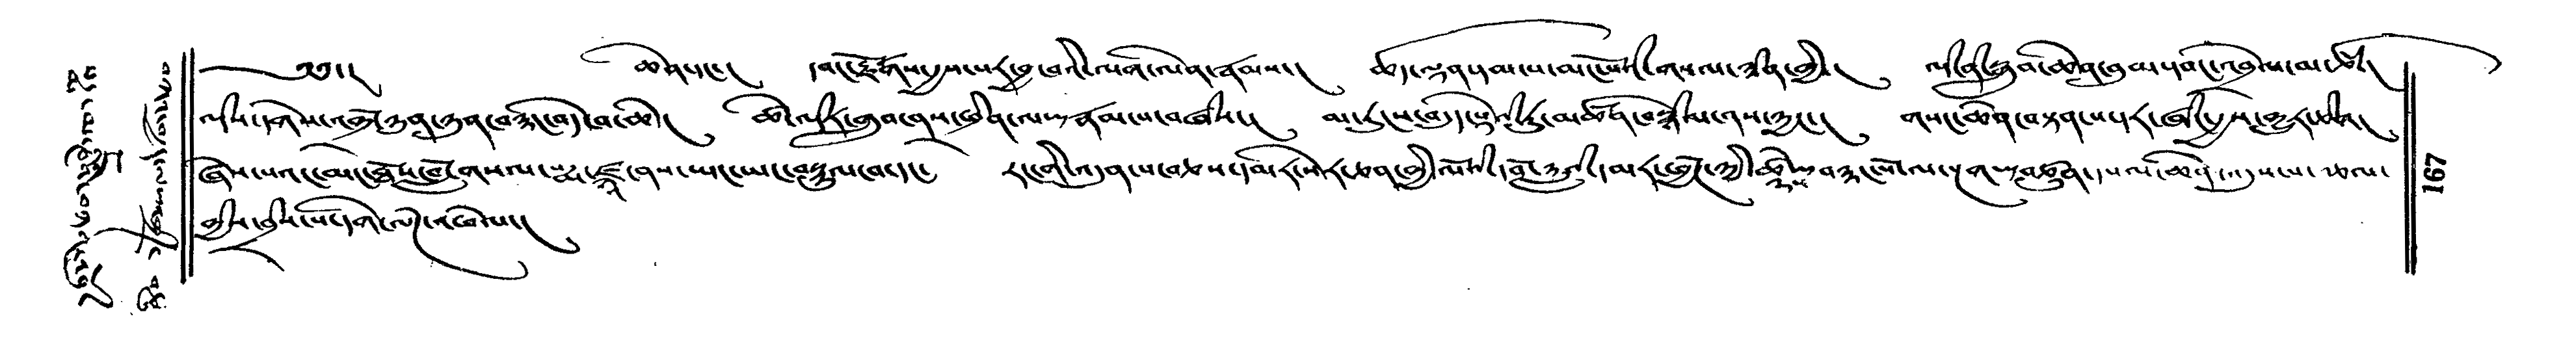ཆེན་དང་། །དབང་རྫོགས་རྒྱས་པར་བྱ་བའི་ལག་ལེན་རྣམས། ཚད་ལྡན་དམ་པ་མང་པོས་གསལ་ཟིན་གྱི། །འདི་ནི་སྒྲུབ་ཆེན་བུམ་དབང་འབྲེལ་མ་ཙམ། །
འདི་དགེས་འགྲོ་ཀུན་ཀུན་བཟང་བདེ་བ་ཆེ། །ཚེ་འདིར་འགྲུབ་ནས་ཕྲིན་ལས་རྣམ་པ་བཞིས། །མ་རུང་བདུད་སྡེའི་རུ་མཚོན་བསྙིལ་ནས་ཀྱང་། །གསང་ཆེན་བསྟན་པ་དར་ཞིང་རྒྱས་གྱུར་ཅིག །
ཞེས་པའང་མང་ཐོས་བློ་གསལ་པདྨ་ཛྙཱ་ནས་ཡང་ཡང་བསྐུལ་བ་དང་། རང་གི་འདུན་པ་བཅས་དམར་སེར་ཅན་གྱི་ལོའི་དབང་པོ་ཟླ་བའི་དམར་ཕྱོགས་ཀྱི་ཚེས་ཉེར་གཅིག་བཟང་པོར་སྔགས་བཙུན་དཔལ་ཆེན་འདུས་པ་རྩལ་
གྱིས་བྲིས་པ་དགེ་ལེགས་འཕེལ།།